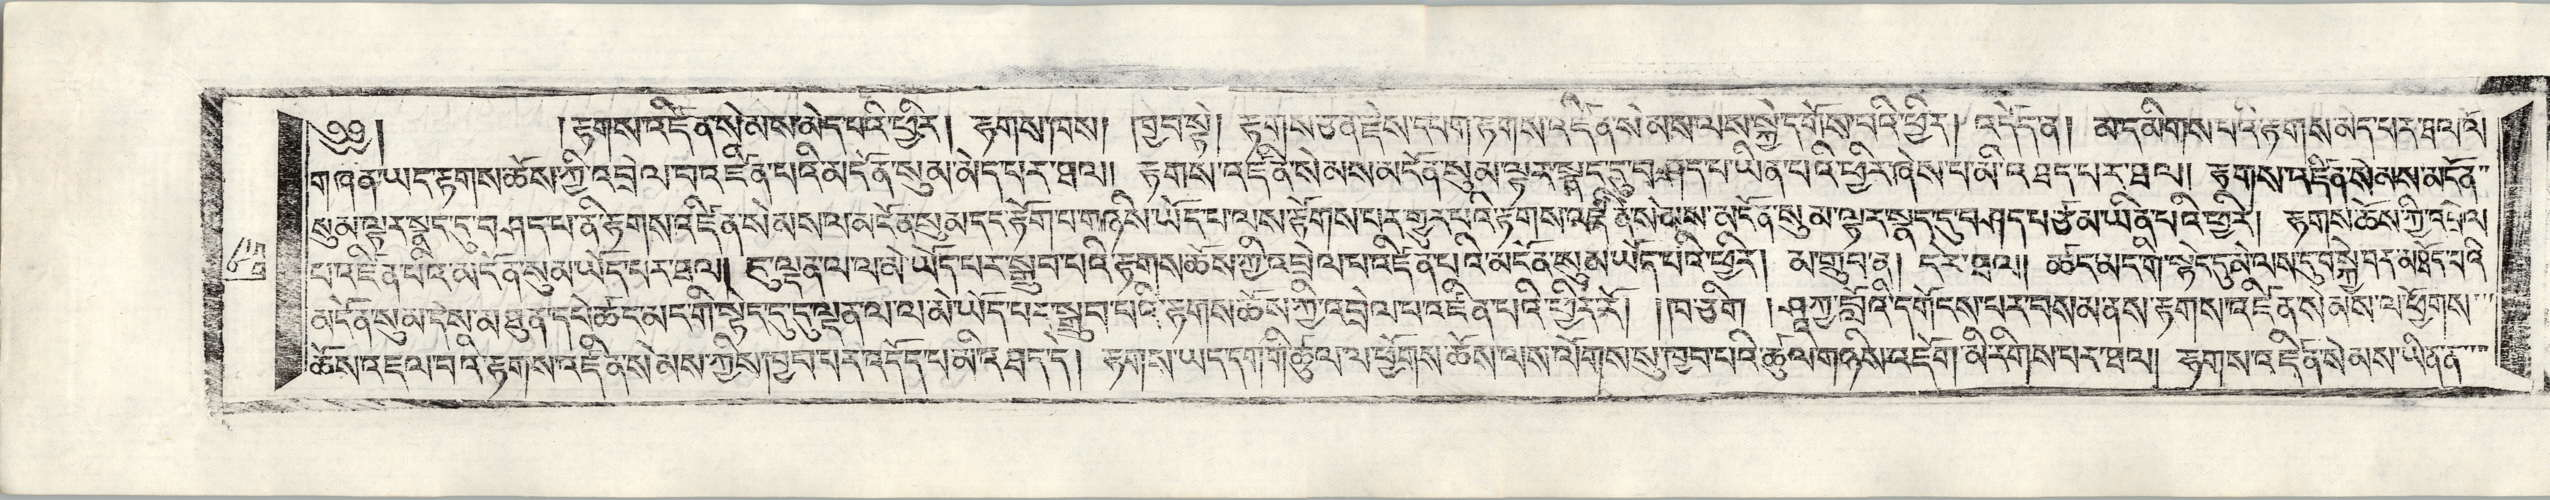༄༅། །རྟགས་འཛིན་སེམས་མེད་པའི་ཕྱིར། རྟགས་ཁས། ཁྱབ་སྟེ། རྟགས་ཅན་རྗེས་དཔག་རྟགས་འཛིན་སེམས་ལས་སྐྱེ་དགོས་པའི་ཕྱིར། འདོད་ན། མ་དམིགས་པའི་རྟགས་མེད་པར་ཐལ་ལོ། །
གཞན་ཡང་། རྟགས་ཆོས་ཀྱི་འབྲེལ་བ་འཛིན་པའི་མངོན་སུམ་མེད་པར་ཐལ། རྟགས་འཛིན་སེམས་མངོན་སུམ་ལྟར་སྣང་དུ་བཤད་པ་ཡིན་པའི་ཕྱིར་ཞེས་པ་མི་འཐད་པར་ཐལ། རྟགས་འཛིན་སེམས་མངོན་
སུམ་ལྟར་སྣང་དུ་བཤད་པ་ནི་རྟགས་འཛིན་སེམས་ལ་མངོན་སུམ་དང་རྟོག་པ་གཉིས་ཡོད་པ་ལས་རྟོགས་པར་གྱུར་བའི་རྟགས་འཛིན་སེམས་མངོན་སུམ་ལྟར་སྣང་དུ་བཤད་པ་ཙམ་ཡིན་པའི་ཕྱིར། རྟགས་ཆོས་ཀྱི་འབྲེལ་
བ་འཛིན་པའི་མངོན་སུམ་ཡོད་པར་ཐལ། དུ་ལྡན་ལ་ལ་མེ་ཡོད་པར་སྒྲུབ་པའི་རྟགས་ཆོས་ཀྱི་འབྲེལ་པ་འཛིན་པའི་མངོན་སུམ་ཡོད་པའི་ཕྱིར། མ་གྲུབ་ན། དེར་ཐལ། ཚང་མང་གི་སྟེང་དུ་མེ་ལས་དུ་བ་སྐྱེ་བར་མཐོང་བའི་
མངོན་སུམ་དེས་མཐུན་དཔེ་ཚང་མང་གི་སྟེང་དུ་དུ་ལྡན་ལ་ལ་མེ་ཡོད་པར་སྒྲུབ་པའི་རྟགས་ཆོས་ཀྱི་འབྲེལ་པ་འཛིན་པའི་ཕྱིར་རོ། །ཁ་ཅིག །ཤཱཀྱ་བློའི་དགོངས་པར་བསམས་ནས་རྟགས་འཛིན་སེམས་ལ་ཕྱོགས་
ཆོས་འཇལ་བའི་རྟགས་འཛིན་སེམས་ཀྱིས་ཁྱབ་པར་འདོད་པ་མི་འཐད་དེ། རྟགས་ཡང་དག་གི་ཚུལ་ལ་ཕྱོགས་ཆོས་ལས་ལོགས་སུ་ཁྱབ་པའི་ཚུལ་གཉིས་འཇོག་མི་རིགས་པར་ཐལ། རྟགས་འཛིན་སེམས་ཡིན་ན་